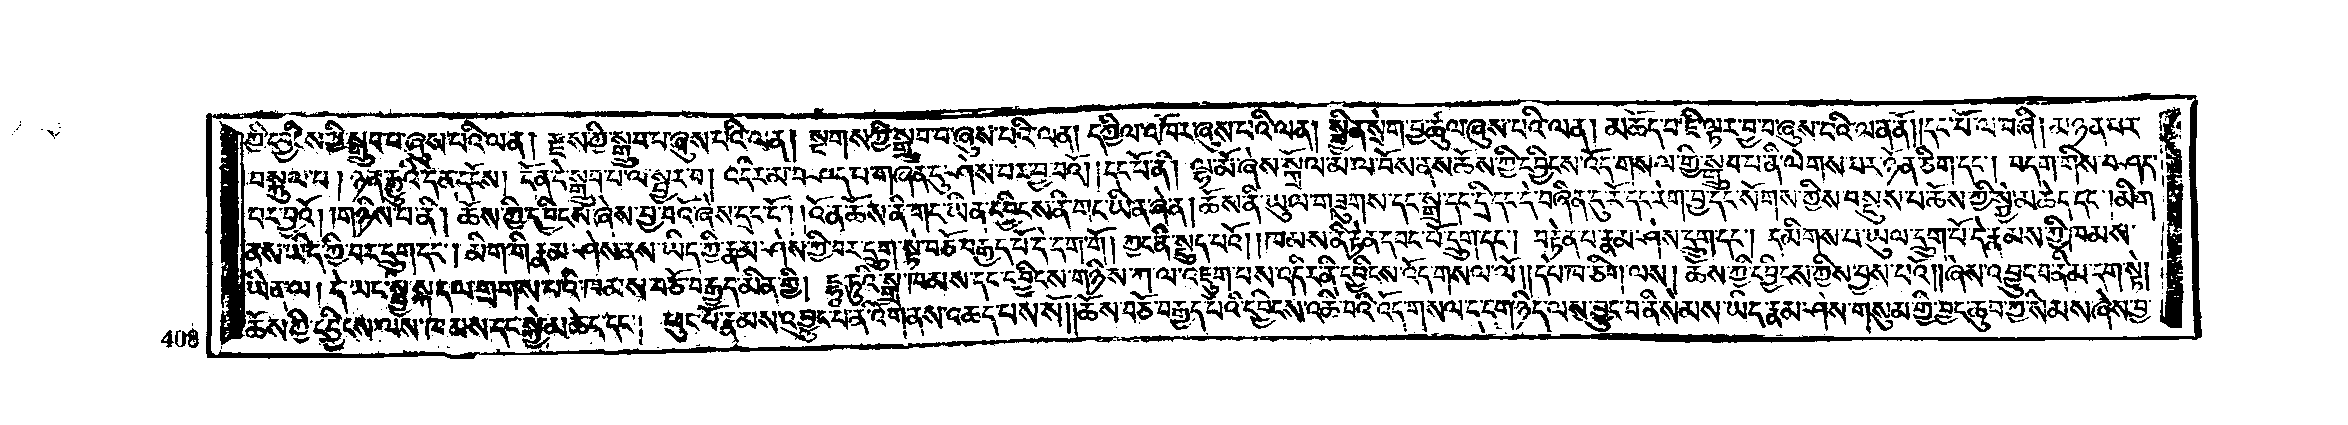ཀྱི་དབྱིངས་ཀྱི་སྒྲུབ་པ་ཞུས་པའི་ལན། རྫས་ཀྱི་སྒྲུབ་པ་ཞུས་པའི་ལན། སྔགས་ཀྱི་སྒྲུབ་པ་ཞུས་པའི་ལན། དཀྱིལ་འཁོར་ཞུས་པའི་ལན། སྦྱིན་སྲེག་བྱ་ཚུལ་ཞུས་པའི་ལན། མཆོད་པ་ཇི་ལྟར་བྱ་བ་ཞུས་པའི་ལན་ནོ། །དང་པོ་ལ་བཞི། མཉན་པར་
བསྐུལ་པ། ཉན་རྒྱུའི་དོན་དངོས། དོན་དེ་སྒྲུབ་པ་ལ་སྦྱར་བ། འདིར་མ་བཤད་པ་གཞན་དུ་ཤེས་པར་བྱ་བའོ། །དང་པོ་ནི། ལྷ་མོ་ཞེས་སྒྲོལ་མ་ལ་བོས་ནས་ཆོས་ཀྱི་དབྱིངས་འོད་གསལ་གྱི་སྒྲུབ་པ་ནི་ལེགས་པར་ཉོན་ཅིག་དང་། བདག་གིས་བཤད་
པར་བྱའོ། །གཉིས་པ་ནི། ཆོས་ཀྱི་དབྱིངས་ཞེས་བྱ་བའོ་ཞེས་དྲང་ངོ། །འོ་ན་ཆོས་ནི་གང་ཡིན་དབྱིངས་ནི་གང་ཡིན་ཞེ་ན། ཆོས་ནི་ཡུལ་གཟུགས་དང་སྒྲ་དང་དྲི་དང་དེ་བཞིན་དུ་རོ་དང་རེག་བྱ་དང་སོགས་ཀྱིས་བསྡུས་པ་ཆོས་ཀྱི་སྐྱེ་མཆེད་དང་། མིག་
ནས་ཡིད་ཀྱི་བར་དྲུག་དང་། མིག་གི་རྣམ་ཤེས་ནས་ཡིད་ཀྱི་རྣམ་ཤེས་ཀྱི་བར་དྲུག་སྟེ་བཅོ་བརྒྱད་པོ་དེ་དག་གོ །ཀྱང་ནི་སྡུད་པའོ། །ཁམས་ནི་རྟེན་དབང་པོ་དྲུག་དང་། བརྟེན་པ་རྣམ་ཤེས་དྲུག་དང་། དམིགས་པ་ཡུལ་དྲུག་པོ་དེ་རྣམས་ཀྱི་ཁམས་
ཡིན་ལ། དེ་ཡང་སྤྱི་སྐད་ལ་གྲགས་པའི་ཁམས་བཅོ་བརྒྱད་མིན་གྱི། དྷཱ་ཏུའི་སྒྲ་ཁམས་དང་དབྱིངས་གཉིས་ཀ་ལ་འཇུག་པས་འདིར་ནི་དབྱིངས་འོད་གསལ་ལོ། །དཔེ་ཁ་ཅིག་ལས། ཆོས་ཀྱི་དབྱིངས་ཀྱིས་བྱས་པའོ། །ཞེས་འབྱུང་བ་ནི་མ་དག་སྟེ།
ཆོས་ཀྱི་དབྱིངས་ལས་ཁམས་དང་སྐྱེ་མཆེད་དང་། ཕུང་པོ་རྣམས་འབྱུང་བ་ནི་འོག་ནས་འཆད་པས་སོ། །ཆོས་བཅོ་བརྒྱད་པོའི་དབྱིངས་འཆི་བའི་འོད་གསལ་དེ་དག་ཉིད་ལས་བྱུང་བ་ནི་སེམས་ཡིད་རྣམ་ཤེས་གསུམ་གྱི་བྱང་ཆུབ་ཀྱི་སེམས་ཞེས་བྱ་